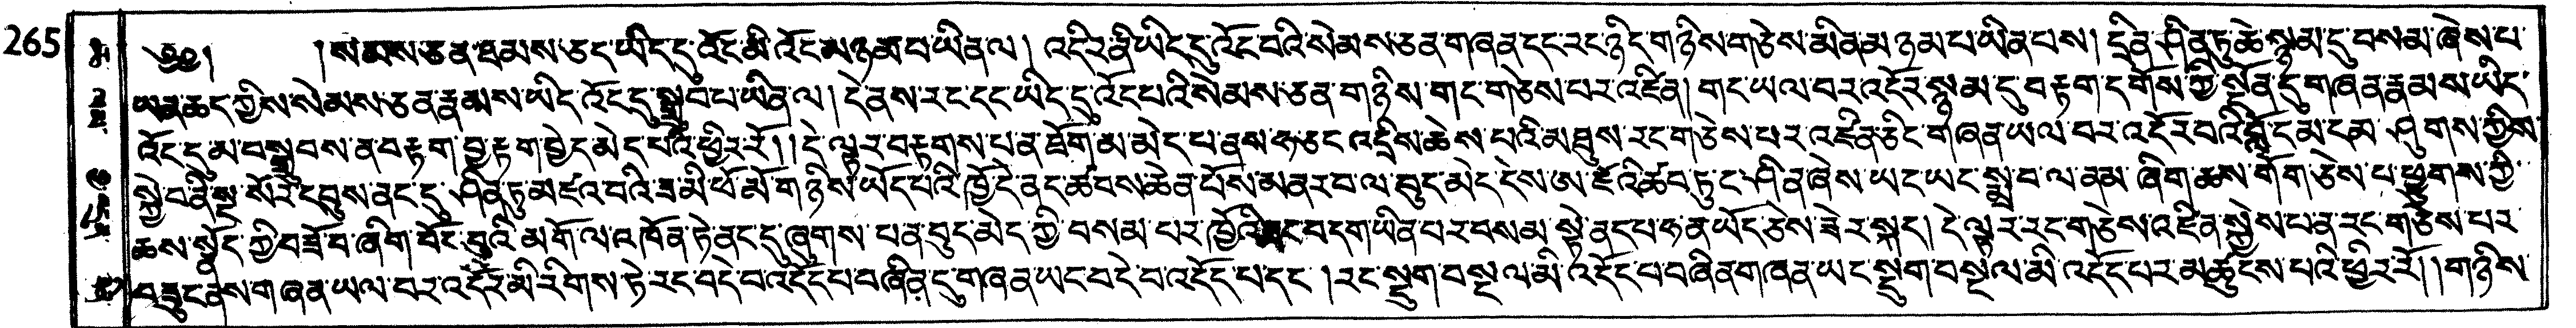༄༅། །སེམས་ཅན་ཐམས་ཅད་ཡིད་དུ་འོང་མི་འོང་མཉམ་པ་ཡིན་ལ། འདིར་ནི་ཡིད་དུ་འོང་བའི་སེམས་ཅན་གཞན་དང་རང་ཉིད་གཉིས་གཅེས་མིན་མཉམ་པ་ཡིན་པས། དྲིན་ཤིན་ཏུ་ཆེ་སྙམ་དུ་བསམ་ཞེས་པ་
ཡན་ཆད་ཀྱིས་སེམས་ཅན་རྣམས་ཡིད་འོང་དུ་སྒྲུབ་པ་ཡིན་ལ། དེ་ནས་རང་དང་ཡིད་དུ་འོང་པའི་སེམས་ཅན་གཉིས་གང་གཅེས་པར་འཛིན། གང་ཡལ་བར་འདོར་སྙམ་དུ་བརྟག་དགོས་ཀྱི་སྔོན་དུ་གཞན་རྣམས་ཡིད་
འོང་དུ་མ་བསྒྲུབས་ན་བརྟག་བྱ་རྟག་བྱེད་མེད་པའི་ཕྱིར་རོ། །དེ་ལྟར་བརྟགས་པ་ན་ཐོག་མ་མེད་པ་ནས་ཧ་ཅང་འདྲིས་ཆེས་པའི་མཐུས་རང་གཅེས་པར་འཛིན་ཅིང་གཞན་ཡལ་བར་འདོར་བའི་བློ་དམ་དམ་ཤུགས་ཀྱིས་
སྐྱེ་བ་ནི་སྔ་སོར་དབུས་ནང་དུ་ཤིན་ཏུ་མཛའ་བའི་ཟ་མི་ཕོ་མོ་གཉིས་ཡོད་པའི་ཁྱོད་དེ་ནད་ཚབས་ཆེན་པོས་མནར་བ་ལ་བུད་མེད་དེས་ཨ་ཇོའི་ཚབ་ཏུ་ང་ཤིན་ཞེས་ཡང་ཡང་སྨྲ་བ་ལ་ནམ་ཞིག་ཆས་གོག་ཅེས་པ་ཕྱུགས་ཀྱི་
ཆས་སྣོད་ཀྱི་བཟོ་བ་ཞིག་བོང་བུའི་མགོ་ལ་འཁོན་ཏེ་ནང་དུ་ཞུགས་པ་ན་བུད་མེད་ཀྱི་བསམ་པར་ཁྱོའི་ཟང་བདག་ཡིན་པར་བསམ་སྟེ་ནད་པ་ཧ་ན་ཡོད་ཅེས་ཟེར་སྐད། དེ་ལྟར་རང་གཅེས་འཛིན་སྐྱེས་པ་ན་རང་གཅེས་པར་
བཟུང་ནས་གཞན་ཡལ་བར་འདོར་མི་རིགས་ཏེ་རང་བདེ་བ་འདོད་པ་བཞིན་དུ་གཞན་ཡང་བདེ་བ་འདོད་པ་དང་། རང་སྡུག་བསྔལ་མི་འདོད་པ་བཞིན་གཞན་ཡང་སྡུག་བསྔལ་མི་འདོད་པར་མཚུངས་པའི་ཕྱིར་རོ། །གཉིས་